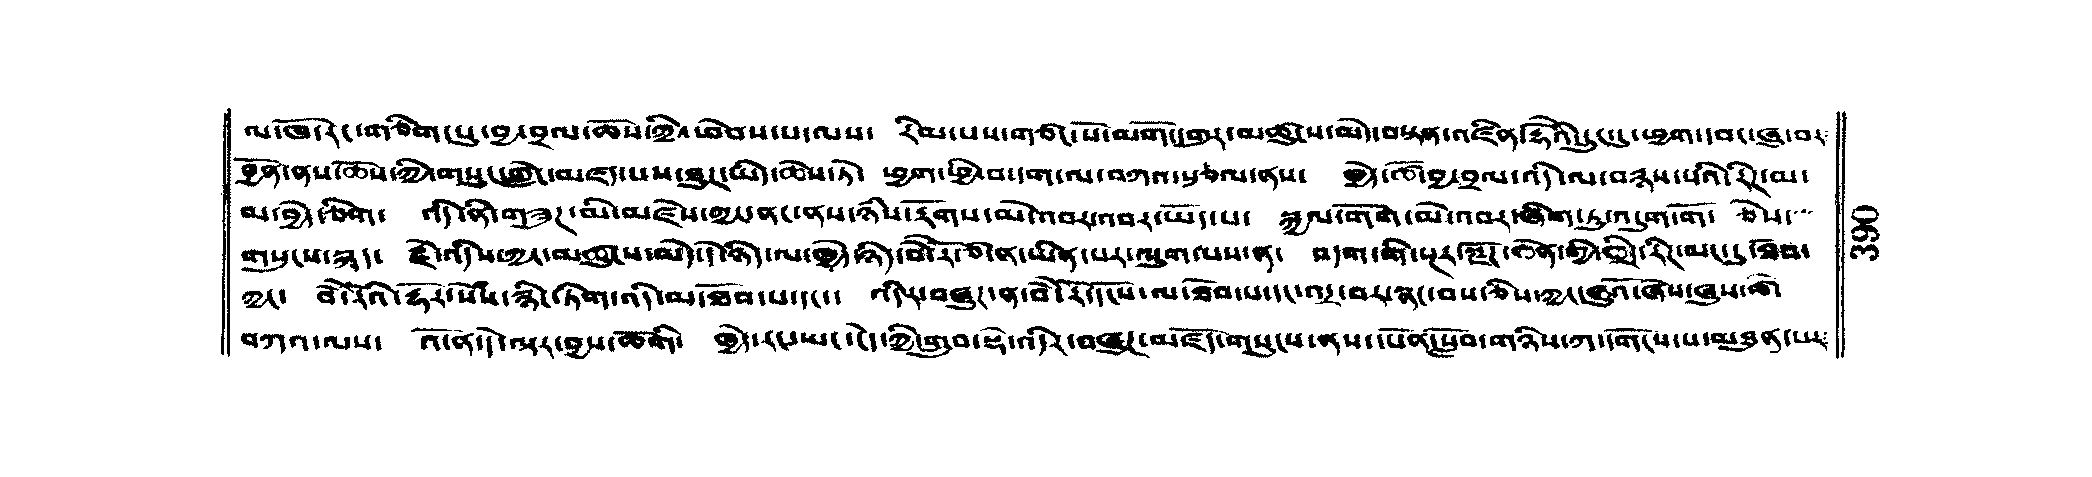ལ་ཁོ་རང་གཅིག་པུ་བྱ་བྲལ་ཚུལ་གྱིས་ཕེབས་པ་ལས། རིམ་པས་གཙང་པོ་མགོ་དགུར་མཚུངས་མེད་བསྟན་འཛིན་རྡོ་རྗེའི་དྲུང་དུ་ཕྱག་དབང་ཞུ་བར་
བྱོན་ནས་ཆོས་ཀྱི་གསུང་གླེང་མཛད་པས་ཐུགས་ཡིད་ཆེས་ཏེ། ཕྱག་ཕྱི་བ་དག་ལ་བཀའ་སྩལ་ནས། ཁྱེད་ཚོས་བྱ་བྲལ་འདི་ལ་བརྙས་པའི་རིགས་མ་
བྱེད་ཅིག འདི་ནི་གཟུགས་མི་མཛེས་ཀྱང་ནང་ནས་ཉམས་རྟོགས་མེ་འབར་འབར་ཡོད་པ། སྐྱལ་གོག་མེ་འབར་ཞིག་ཏུ་འདུག་གོ་ཞེས་
གསུངས་སྐད། རྗེ་འདིས་ཀྱང་མཚུངས་མེད་དེ་ཉིད་ལ་ཁྱོད་ཉིད་བཻ་རོ་ཙ་ན་ཡིན་པར་འདུག་པས་ན། བདག་གིས་སྔར་རྫོགས་ཆེན་གྱི་ཁྲིད་རིགས་མང་དུ་ཐོབ་
ཀྱང་། བཻ་རོའི་རྡོར་སེམས་སྙིང་ཏིག་འདི་མ་ཐོབ་པ་དང་། འདིར་བཞུགས་ན་བཻ་རོ་དངོས་ལ་ཐོབ་པ་དང་འདྲ་བར་སྣང་བས་ཅིས་ཀྱང་ཞུའོ་ཞེས་ཞུས་ཚེ་
བཀའ་ལས། འོ་ན་དེ་ལྟར་བྱས་ཆོག་གི ཁྱེད་རང་ཡང་ངེད་ཀྱི་གྲུབ་སྡེ་འདིར་བཞུགས་མཛོད་གསུངས་ནས་དཔོན་སློབ་གཉིས་ཀ་དགོངས་པ་མཐུན་པར་